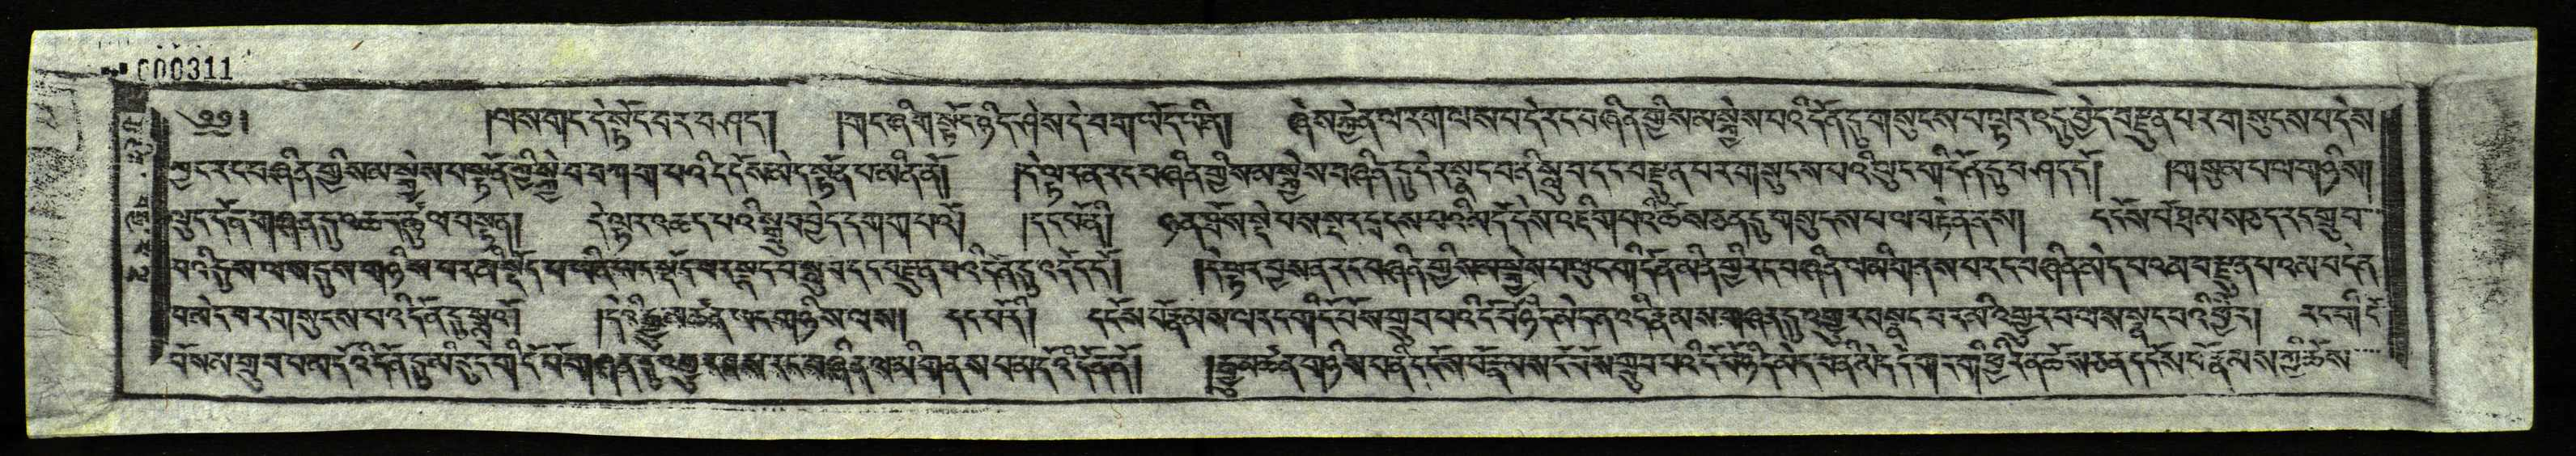༄༅། །ལས་གང་དེ་སྟོང་པར་བཤད། །གང་ཞིག་སྟོང་ཉིད་ཤེས་དེ་བག་ཡོད་ཡིན། ཞེས་རྐྱེན་ལ་རག་ལས་པ་དེ་རང་བཞིན་གྱིས་མ་སྐྱེས་པའི་དོན་དུ་གསུངས་པ་ལྟར་འདུ་བྱེད་བརྫུན་པར་གསུངས་པ་དེས་
ཀྱང་རང་བཞིན་གྱིས་མ་སྐྱེས་པ་སྟོན་ཀྱི་སྐྱེ་བ་བཀག་པའི་དངོས་མེད་སྟོན་པ་མིན་ནོ། །དེ་ལྟར་ན་རང་བཞིན་གྱིས་མ་སྐྱེས་བཞིན་དུ་དེར་སྣང་བ་ནི་སླུ་བ་དང་བརྫུན་པར་གསུངས་པའི་ལུང་གི་དོན་དུ་བཤད་དོ། །གསུམ་པ་ལ་གཉིས།
ལུང་དོན་གཞན་དུ་འཆད་ཚུལ་བསྟན། དེ་ལྟར་འཆད་པའི་སྒྲུབ་བྱེད་དགག་པའོ། །དང་པོ་ནི། ཉན་ཐོས་སྡེ་པས་སྔར་དྲངས་པའི་མདོ་དེས་འཇིག་པའི་ཆོས་ཅན་དུ་གསུངས་པ་ལ་བརྟེན་ནས། དངོས་པོ་ཐམས་ཅད་རང་གྲུབ་
པའི་དུས་ལས་དུས་གཉིས་པར་མི་སྡོད་པ་ཡིན་ཡང་སྡོད་པར་སྣང་བ་སླུ་བ་དང་བརྫུན་པའི་དོན་དུ་འདོད་དོ། །དེ་ལྟར་བྱས་ན་རང་བཞིན་གྱིས་མ་སྐྱེས་བ་ལུང་གི་དོན་མིན་གྱི་རང་བཞིན་ལ་མི་གནས་པ་རང་བཞིན་མེད་པའམ་བརྫུན་པའམ་བདེན་
པ་མེད་པར་གསུངས་པའི་དོན་དུ་སྨྲའོ། །དེའི་རྒྱུ་མཚན་ཡང་གཉིས་ལས། དང་པོ་ནི། དངོས་པོ་རྣམས་ལ་རང་གི་ངོ་བོས་གྲུབ་པའི་ངོ་བོ་ཉིད་མེད་ན་འདི་རྣམས་གཞན་དུ་འགྱུར་བ་སྣང་བར་མི་འགྱུར་བ་ལས་སྣང་བའི་ཕྱིར། རང་གི་ངོ་
བོས་མ་གྲུབ་པ་མདོའི་དོན་དུ་མི་རུང་གི་ངོ་བོ་གཞན་དུ་འགྱུར་བས་རང་བཞིན་ལ་མི་གནས་པ་མདོའི་དོན་ནོ། །རྒྱུ་མཚན་གཉིས་པ་ནི་དངོས་པོ་རྣམས་ངོ་བོས་གྲུབ་པའི་ངོ་བོ་ཉིད་མེད་པ་ནི་མེད་དེ་གང་གི་ཕྱིར་ན་ཆོས་ཅན་དངོས་པོ་རྣམས་ཀྱི་ཆོས་